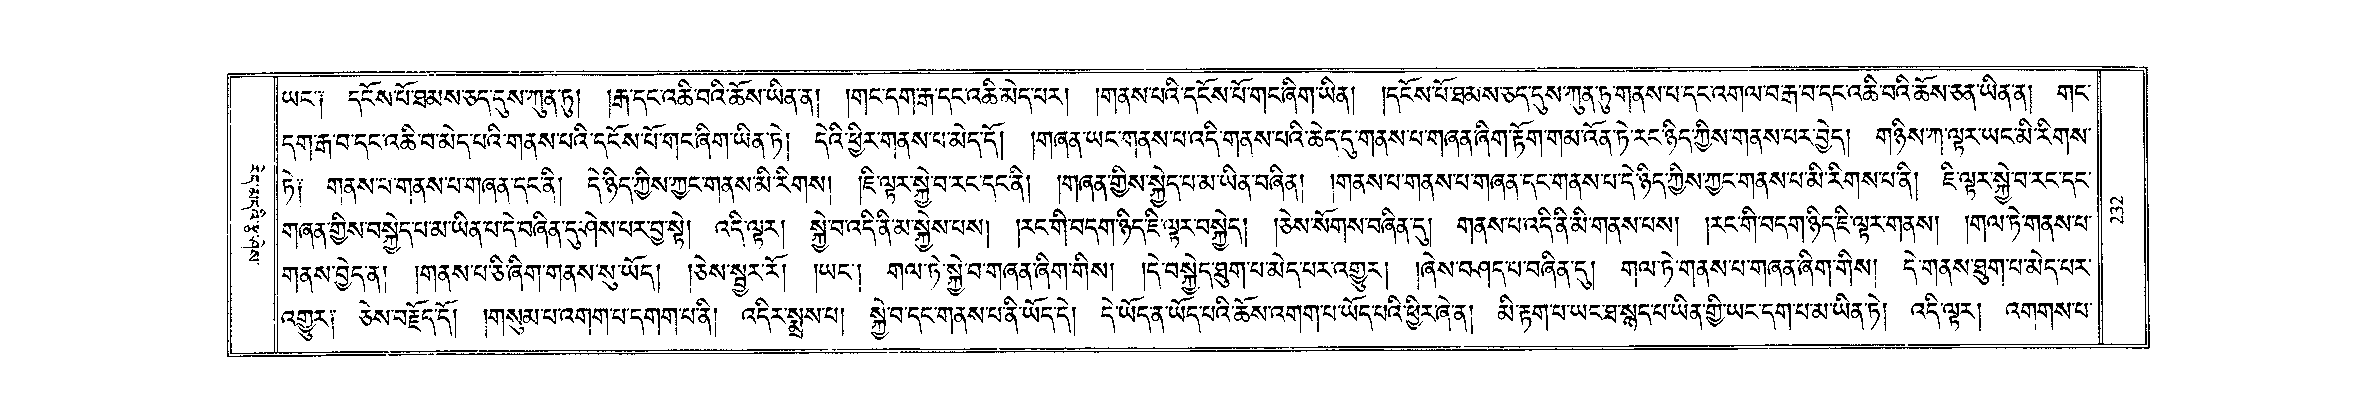ཡང༑ དངོས་པོ་ཐམས་ཅད་དུས་ཀུན་ཏུ། །རྒ་དང་འཆི་བའི་ཆོས་ཡིན་ན། །གང་དག་རྒ་དང་འཆི་མེད་པར། །གནས་པའི་དངོས་པོ་གང་ཞིག་ཡིན། །དངོས་པོ་ཐམས་ཅད་དུས་ཀུན་ཏུ་གནས་པ་དང་འགལ་བ་རྒ་བ་དང་འཆི་བའི་ཆོས་ཅན་ཡིན་ན། གང་
དག་རྒ་བ་དང་འཆི་བ་མེད་པའི་གནས་པའི་དངོས་པོ་གང་ཞིག་ཡིན་ཏེ། དེའི་ཕྱིར་གནས་པ་མེད་དོ། །གཞན་ཡང་གནས་པ་འདི་གནས་པའི་ཆེད་དུ་གནས་པ་གཞན་ཞིག་རྟོག་གམ་འོན་ཏེ་རང་ཉིད་ཀྱིས་གནས་པར་བྱེད། གཉིས་ཀ་ལྟར་ཡང་མི་རིགས་
ཏེ༑ གནས་པ་གནས་པ་གཞན་དང་ནི། དེ་ཉིད་ཀྱིས་ཀྱང་གནས་མི་རིགས། །ཇི་ལྟར་སྐྱེ་བ་རང་དང་ནི། །གཞན་གྱིས་སྐྱེད་པ་མ་ཡིན་བཞིན། །གནས་པ་གནས་པ་གཞན་དང་གནས་པ་དེ་ཉིད་ཀྱིས་ཀྱང་གནས་པ་མི་རིགས་པ་ནི། ཇི་ལྟར་སྐྱེ་བ་རང་དང་
གཞན་གྱིས་བསྐྱེད་པ་མ་ཡིན་པ་དེ་བཞིན་དུ་ཤེས་པར་བྱ་སྟེ། འདི་ལྟར། སྐྱེ་བ་འདི་ནི་མ་སྐྱེས་པས། །རང་གི་བདག་ཉིད་ཇི་ལྟར་བསྐྱེད། །ཅེས་སོགས་བཞིན་དུ། གནས་པ་འདི་ནི་མི་གནས་པས། །རང་གི་བདག་ཉིད་ཇི་ལྟར་གནས། །གལ་ཏེ་གནས་པ་
གནས་བྱེད་ན། །གནས་པ་ཅི་ཞིག་གནས་སུ་ཡོད། །ཅེས་སྦྱར་རོ། །ཡང་། གལ་ཏེ་སྐྱེ་བ་གཞན་ཞིག་གིས། །དེ་བསྐྱེད་ཐུག་པ་མེད་པར་འགྱུར། །ཞེས་བཤད་པ་བཞིན་དུ། གལ་ཏེ་གནས་པ་གཞན་ཞིག་གིས། དེ་གནས་ཐུག་པ་མེད་པར་
འགྱུར༑ ཅེས་བརྗོད་དོ། །གསུམ་པ་འགག་པ་དགག་པ་ནི། འདིར་སྨྲས་པ། སྐྱེ་བ་དང་གནས་པ་ནི་ཡོད་དེ། དེ་ཡོད་ན་ཡོད་པའི་ཆོས་འགག་པ་ཡོད་པའི་ཕྱིར་ཞེ་ན། མི་རྟག་པ་ཡང་ཐ་སྙད་པ་ཡིན་གྱི་ཡང་དག་པ་མ་ཡིན་ཏེ། འདི་ལྟར། འགགས་པ་